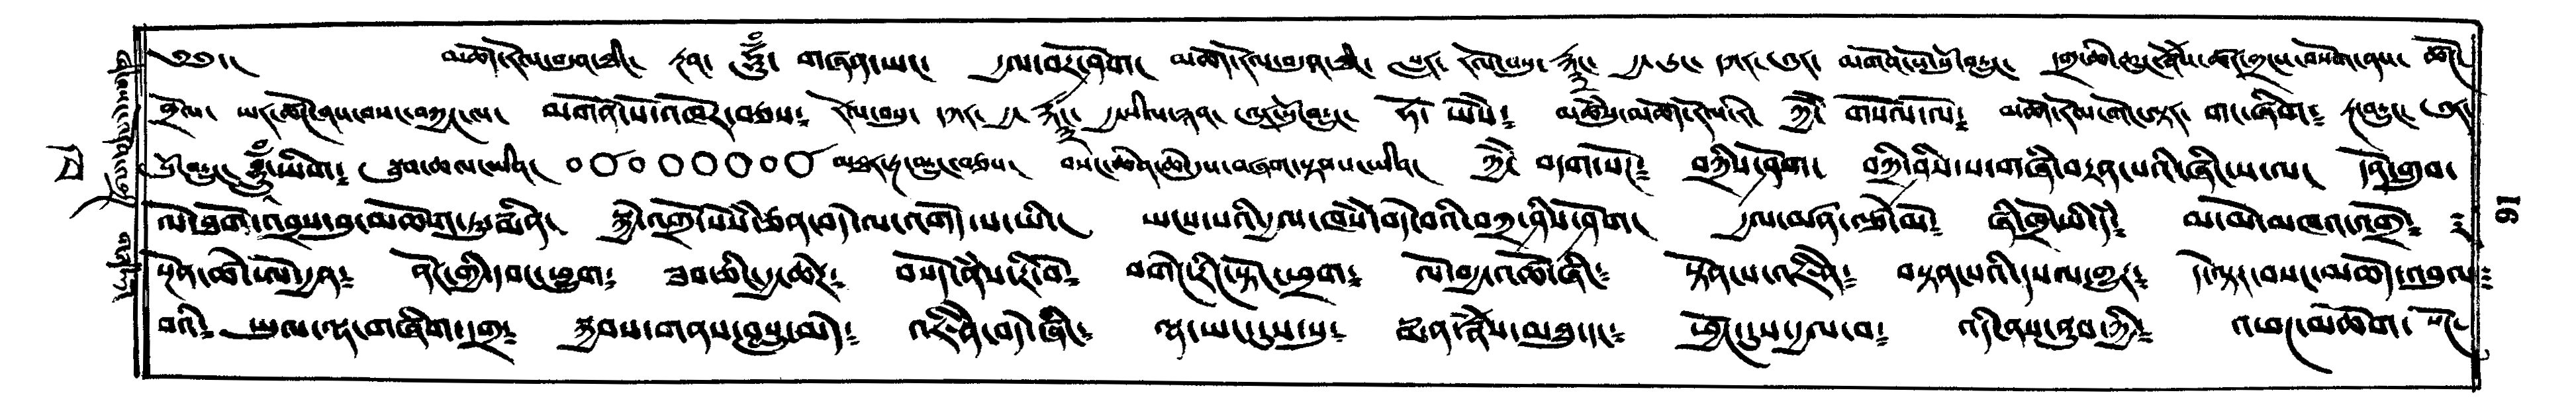མཆོད་རོལ་བདུན་ཐིང་། རྔན། ཧཱུྃ། གཞན་ཡང་། རྒྱལ་བར་ཤོག མཆོད་རོལ་བདུན་ཐིང་། སླར་རོལ་བསུ། དཀར་རྒྱ་རྐང་༣ རྒྱ་སིལ་སྙན། འུར་མགོན་པོ་སུམ་བརྡུང་། དགྲ་ཆེ་ཆུང་རྣམས་ཚར་གྲངས་བསགས་ནས། ཚོགས་
གྲོལ། ཡར་ཚོགས་ནས་བསང་བཀྱག་ལ། མགོན་པོ་འཁོར་བཅས། རོལ་བསུ་དཀར། རྒྱ། རྐང་༣ རྒྱ་སིལ་སྙན། འུར་སུམ་བརྡུང་། ཧོ། ཡེ་ཤེས༴ མཚམས་སུ་མཆོད་རོལ་རེ། ཀྱཻ། གསོལ་ལོ༴ མཆོད་རོལ་གོང་ལྟར། གང་ཞིག༴ རྔ་བརྡུང་། འུར་
སུམ་བརྡུང་། བྷྲཱུྃ་ཡིག༴ སྦུབ་ཆལ་ཡིན། མཐར་རྔ་བརྡུང་བཅས། བསང་ཆེན་ཆེ་དུས་བཞག་སྟབས་ཡིན། ཀྱཻ། བདག་སོགས༴ བཀྲ་ཤིས་ཤོག བཀྲ་ཤིས་ས་གཞི་བརྟན་པའི་ཞིང་ས་ལ། དངོས་གྲུབ་
ལོ་ཐོག་འབྲས་བུ་མཆོག་ཏུ་སྨིན། །སྐྱེ་འགྲོ་སེམས་ཅན་བདེ་ལ་འགོད་པ་ཡི།ཡངས་པའི་རྒྱལ་ཁམས་བདེ་བའི་བཀྲ་ཤིས་ཤོག རྒྱལ་མཚན་རྩེ་མོ༴ ཞི་ཁྲོ་ཡི་དམ༴ མ་མོ་མཁའ་འགྲོ༴ 
སྔོན་ཚེ་ཨོ་རྒྱན༴ ནོར་གྱི་དབང་ཕྱུག༴ ཟབ་ཅིང་རྒྱ་ཆེ༴ བསོད་རྣམས་རི་བོ༴ བགེགས་རིགས་སྟོང་ཕྲག༴ ལོ་བརྒྱ་འཚོ་ཞིང༴ སྟོན་པ་འཇིག་རྟེན༴ བསྟན་པའི་དཔལ་གྱུར༴ དེ་ལྟར་བསང་མཆོད་ཕུལ་
བའི༴ ཡུལ་ལྷ་གཞི་བདག༴ སྐྱབས་གནས་བསླུ་མེད༴ འཇིག་རྟེན་བདེ་ཞིང༴ ལྷ་ཡང་དུས་སུ༴ སྨན་རྣམས་མཐུ་དང༴ ཕྱོགས་དུས་རྒྱལ་བ༴ འདི་ནས་ནུབ་ཀྱི༴ འཕགས་མཆོག༴ སོགས་